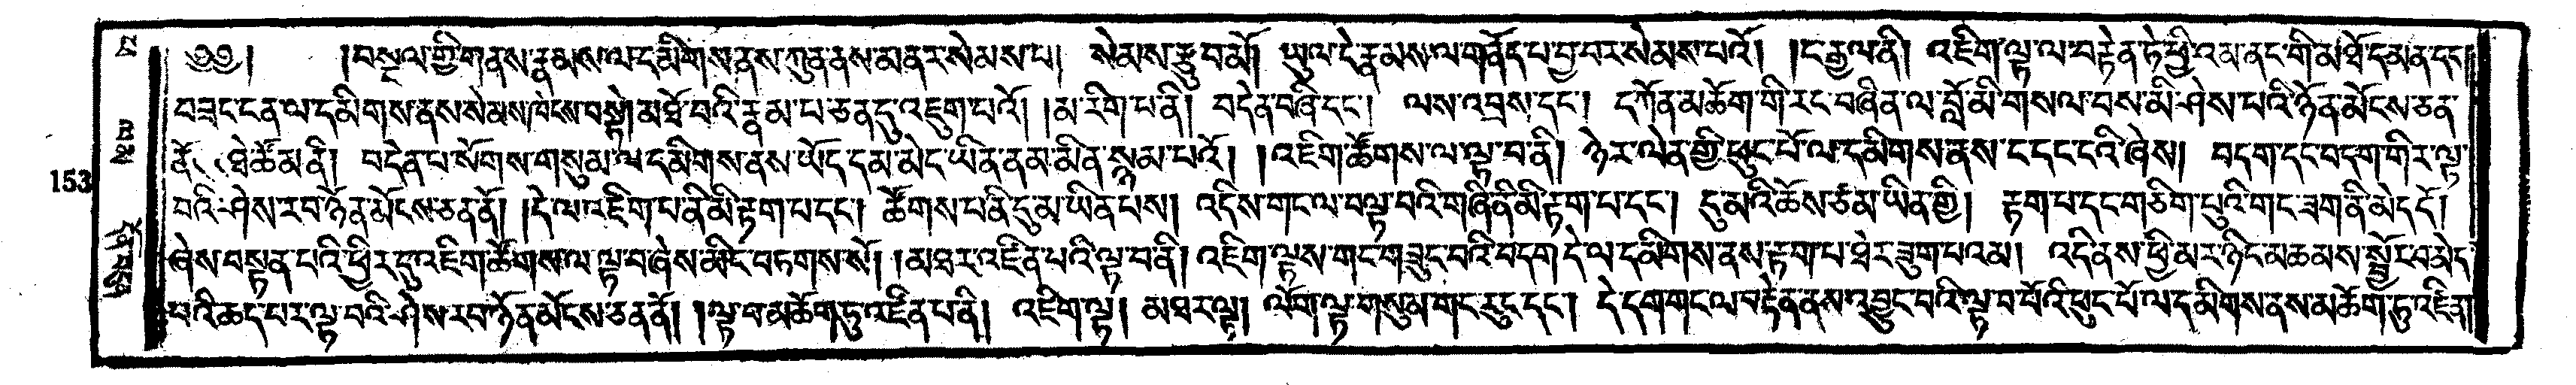༄༅། །བསྔལ་གྱི་གནས་རྣམས་ལ་དམིགས་ནས་ཀུན་ནས་མནར་སེམས་པ། སེམས་རྩུབ་མོ། ཡུལ་དེ་རྣམས་ལ་གནོད་པ་བྱ་བར་སེམས་པའོ། །ང་རྒྱལ་ནི། འཇིག་ལྟ་ལ་བརྟེན་ཏེ་ཕྱི་འམ་ནང་གི་མཐོ་དམན་དང་།
བཟང་ངན་ལ་དམིགས་ནས་སེམས་ཁེངས་བསྟེ། མཐོ་བའི་རྣམ་པ་ཅན་དུ་འཇུག་པའོ། །མ་རིག་པ་ནི། བདེན་བཞི་དང་། ལས་འབྲས་དང་། དཀོན་མཆོག་གི་རང་བཞིན་ལ་བློ་མི་གསལ་བས་མི་ཤེས་པའི་ཉོན་མོངས་ཅན་
ནོ༑ ༑ཐེ་ཚོམ་ནི། བདེན་པ་སོགས་གསུམ་ལ་དམིགས་ནས་ཡོད་དམ་མེད་ཡིན་ནམ་མིན་སྙམ་པའོ། །འཇིག་ཚོགས་ལ་ལྟ་བ་ནི། ཉེར་ལེན་གྱི་ཕུང་པོ་ལ་དམིགས་ནས་ང་དང་ངའི་ཞེས། བདག་དང་བདག་གིར་ལྟ་
བའི་ཤེས་རབ་ཉོན་མོངས་ཅན་ནོ། །དེ་ལ་འཇིག་པ་ནི་མི་རྟག་པ་དང་། ཚོགས་པ་ནི་དུ་མ་ཡིན་པས། འདིས་གང་ལ་བལྟ་བའི་གཞི་ནི་མི་རྟག་པ་དང་། དུ་མའི་ཆོས་ཙམ་ཡིན་གྱི། རྟག་པ་དང་གཅིག་པུའི་གང་ཟག་ནི་མེད་དོ།
ཞེས་བསྟན་པའི་ཕྱིར་དུ་འཇིག་ཚོགས་ལ་ལྟ་བ་ཞེས་མིང་བཏགས་སོ། །མཐར་འཛིན་པའི་ལྟ་བ་ནི། འཇིག་ལྟས་གང་གཟུང་བའི་བདག་དེ་ལ་དམིགས་ནས་རྟག་པ་ཐེར་ཟུག་པའམ། འདི་ནས་ཕྱི་མར་ཉིང་མཆམས་སྦྱོར་བ་མེད་
པའི་ཆད་པར་ལྟ་བའི་ཤེས་རབ་ཉོན་མོངས་ཅན་ནོ། །ལྟ་བ་མཆོག་ཏུ་འཛིན་པ་ནི། འཇིག་ལྟ། མཐར་ལྟ། ལོག་ལྟ་གསུམ་གང་རུང་དང་། དེ་དག་གང་ལ་བརྟེན་ནས་འབྱུང་བའི་ལྟ་བ་པོའི་ཕུང་པོ་ལ་དམིགས་ནས་མཆོག་ཏུ་འཛིན།